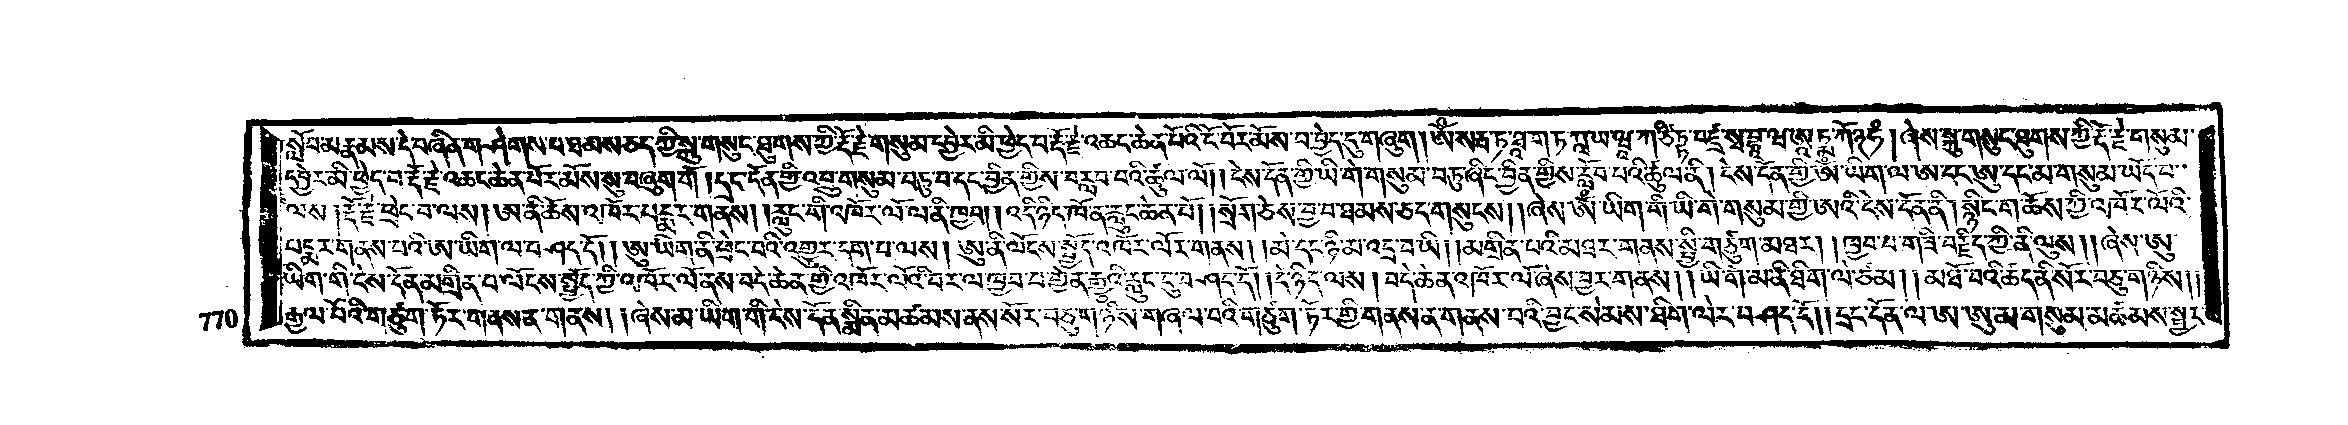སློབ་མ་རྣམས་དེ་བཞིན་གཤེགས་པ་ཐམས་ཅད་ཀྱི་སྐུ་གསུང་ཐུགས་ཀྱི་རྡོ་རྗེ་གསུམ་དབྱེར་མི་ཕྱེད་པ་རྡོ་རྗེ་འཆང་ཆེན་པོའི་ངོ་བོར་མོས་པ་བྱེད་དུ་གཤུག །ཨོཾ་སརྦ་ཏ་ཐཱ་ག་ཏ་ཀཱ་ཡ་ཝཱ་ཀ་ཙིཏྟ་བཛྲ་སྭ་བྷཱ་ཝ་ཨཱ་ཏྨ་ཀོ་ཉ་ཧམ། ཞེས་སྐུ་གསུང་ཐུགས་ཀྱི་རྡོ་རྗེ་གསུམ་
དབྱེར་མི་ཕྱེད་པ་རྡོ་རྗེ་འྕྱང་ཆེན་པོར་མོ༩ས་སུ་གཟཡཧག་གོ །དྲང་དོན་གྱི་འབུར་གསུམ་བཏུ་བ་དང་བྱིན་གྱིས་བརླབ་པའི་ཚུལ་ལོ། །ངེས་དོན་གྱི་ཡི་གེ་གསུམ་བཏུ་ཞིང་བྱིན་གྱིས་རློབ་པའི་ཚུལ་ནི། ངེས་དོན་གྱི་ཨོཾ་ཡིག་ལ་ཨ་དང་ཨུ་དང་མ་གསུམ་ཡོད་པ་
ལས༑ རྡོ་རྗེ་ཕྲེང་བ་ལས། ཨ་ནི་ཆོས་འཁོར་པདམར་གནས། །རླུང་གི་འཁོར་ལོ་ལ་ནི་ཁྱབ། །འདི་ཉིད་ཁོ་ན་རླུང་ཆེན་པོ། །སྲོག་ཅེས་བྱ་བ་ཐམས་ཅད་གསུངས། །ཞེས་ཨོཾ་ཡིག་གི་ཡི་ཏེ་གསུམ་གྱི་ཨཱི་ངེས་དོན་ནི། སྙིང་ག་ཅྱོས་ཀྱི་འཁོར་ལོའི་
པདམར་གནས་པའི་ཨ་ཡིག་ལ་བཤད་དོ། །ཨུ་ཡིག་ནི་ཕྲེང་བའི་འགྱུར་དག་པ་ལས། ཨུ་ནི་ལཽངས་སྤྱོད་འཁོར་ལོར་གནས། །མེ་དང་ཉི་མ་འདྲ་བ་ཡི། །མགྲིན་པའི་མཐར་གནས་སྤྱི་གཙུག་མཐར། །ཁྱབ་པ་གཟི་བརྗིད་ཀྱི་ནི་ལུས། །ཞེས་ཨུ་
ཡིག་གེ་ངེས་དོན་མགྲོན་པ་ལོངས་སྤྱོད་ཀྱི་འཁོར་ལོ་ནས་བདེ་ཆེན་གྱི་འཁོར་ལོའི་བར་ལ་ཀྱབ་པ་གྱེན་རྒྱུའི་རླུང་དུ་བཤད་དོ། །དེ་ཉིད་ལས། བདེན་ཆེན་འཁོར་ལོ་ཞེས་བྱར་གནས། །ཡི་ཏེ་མ་ནི་ཐིག་ལེ་ཙམ། །མཐོ་བའི་ཚད་ནི་སོར་བཅུ་གཉིས། །
རྒྱལ་པོའི་རྩུག་ཏོར་གནས་ན་གནས། །མྮེས་མ་ཡིག་གི་ངེས་དོན་སྨིན་མཚམས་ནས་སོར་བཅུ་གཉིས་གཞལ་བའི་གཙུག་ཏོར་གྱི་གནས་ན་གནས་པའི་བྱང་སེམས་ཐིག་ལེར་བཤད་དོ། །དྲང་དོན་ལ་ཨ་ཨུ་མ་མ་གསུམ་མཚམས་སྦྱར་